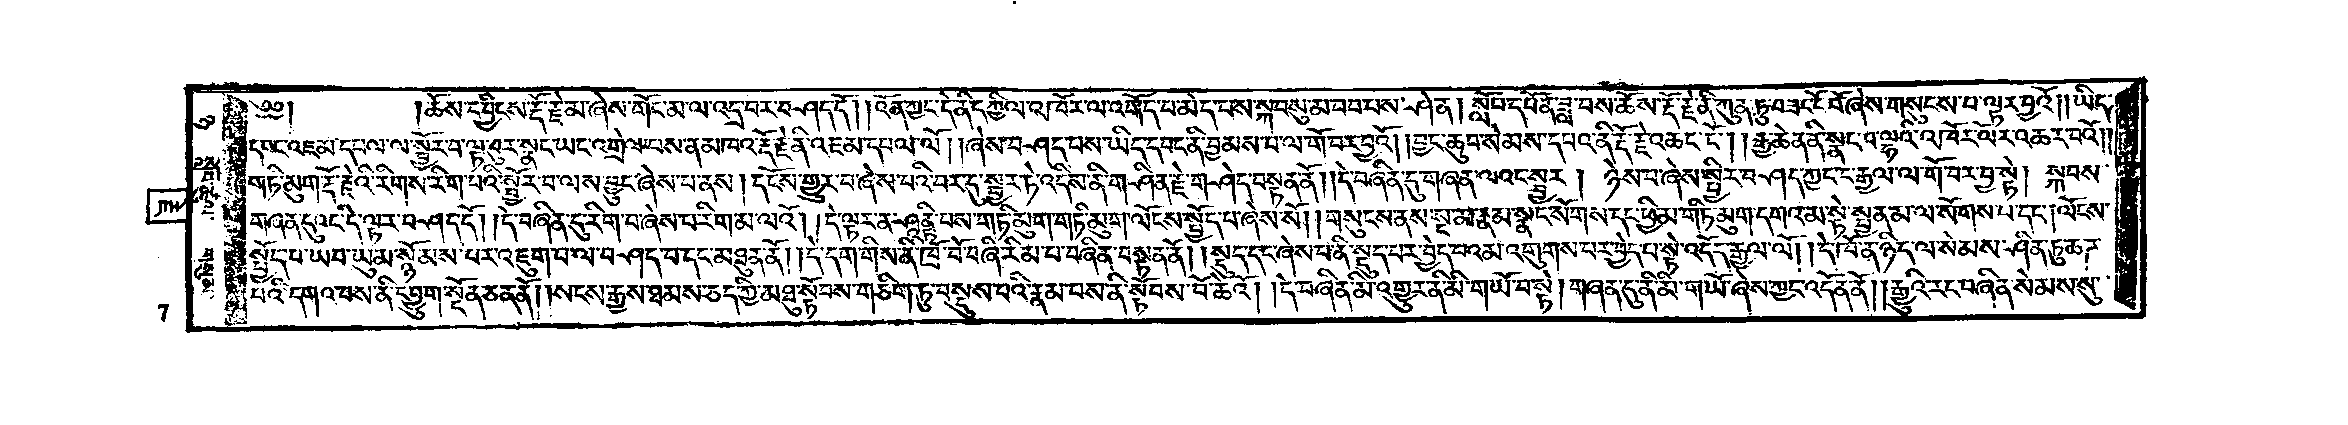༄༅། །ཆོས་དབྱིངས་རྡོ་རྗེ་མ་ཞེས་གོང་མ་ལ་འདྲ་བར་བཤད་དོ། །འོན་ཀྱང་དེ་ནི་དཀྱིལ་འཁོར་ལ་འགོད་པ་མེད་པས་སྐབས་སུ་མ་བབ་པས་ཤེ་ན། སློབ་དཔོན་ཟླ་བས་ཆོས་རྡོ་རྗེ་ནི་ཀུན་ཏུ་བཟང་པོའོ་ཞེས་གསུངས་པ་ལྟར་བྱའོ། །ཡིད་
དབང་འཇམ་དཔལ་ལ་སྦྱོར་བ་ལྟ་བུར་སྣང་ཡང་འགྲེལ་པས་ནམ་མཁའ་རྡོ་རྗེ་ནི་འཇམ་དཔལ་ལོ། །ཞེས་བཤད་པས་ཡིད་དབང་ནི་བྱམས་པ་ལ་གོ་བར་བྱའོ། །བྱང་ཆུབ་སེམས་དཔའ་ནི་རྡོ་རྗེ་འཆང་ངོ། །རྒྱ་ཆེན་ནི་སྣང་བ་ལྷའི་འཁོར་ལོར་འཆར་བའོ། །
གཏི་མུག་རྡོ་རྗེའི་རིགས་རིག་པའི་སྦྱོར་བ་ལས་བྱུང་ཞེས་པ་ནས། དངོས་གྱུར་པ་ཞེས་པའི་བར་དུ་སྦྱར་ཏེ་འདིས་ནི་གཤིན་རྗེ་གཤེད་བསྟན་ནོ། །དེ་བཞིན་དུ་གཞན་ལའང་སྦྱར། ཉེས་པ་ཞེས་སྤྱིར་བཤད་ཀྱང་ང་རྒྱལ་ལ་གོ་བར་བྱ་སྟེ། སྐབས་
གཞན་དུའང་དེ་ལྟར་བཤད་དོ། །དེ་བཞིན་དུ་རིག་པ་ཞེས་པ་རིག་མ་ལའོ། །དེ་ལྟར་ན་ཤཱནྟི་པས་གཏི་མུག་གཏི་མུག་ལོངས་སྤྱོད་པ་ཞེས་སོ། །གསུངས་ནས་སྔ་མ་རྣམ་སྣང་སོགས་དང་ཕྱི་མ་གཏི་མུག་དགའ་མ་སྟེ་སྤྱན་མ་ལ་སོགས་པ་དང་། ལོངས་
སྤྱོད་པ་ཡབ་ཡུམ་སྙོམས་པར་འཇུག་པ་ལ་བཤད་པ་དང་མཐུན་ནོ། །དེ་དག་གིས་ནི་ཁྲོ་བོ་བཞི་རིམ་པ་བཞིན་བསྟན་ནོ། །སྡུད་དང་ཞེས་པ་ནི་སྡུད་པར་བྱེད་པའམ་འགུགས་པར་བྱེད་པ་སྟེ་འདོད་རྒྱལ་ལོ། །དེ་ཁོ་ན་ཉིད་ལ་སེམས་ཤིན་ཏུ་ཆགས་
པའི་དགའ་བས་ནི་དབྱུག་སྔོན་ཅན་ནོ། །སངས་རྒྱས་ཐམས་ཅད་ཀྱི་མཐུ་སྟོབས་གཅིག་ཏུ་བསྡུས་པའི་རྣམ་པས་ནི་སྟོབས་བོ་ཆེའོ། །དེ་བཞིན་མི་འགྱུར་ནི་མི་གཡོ་བ་སྟེ། གཞན་དུ་ནི་མི་གཡོ་ཞེས་ཀྱང་འདོན་ནོ། །རྒྱུའི་རང་བཞིན་སེམས་སུ་